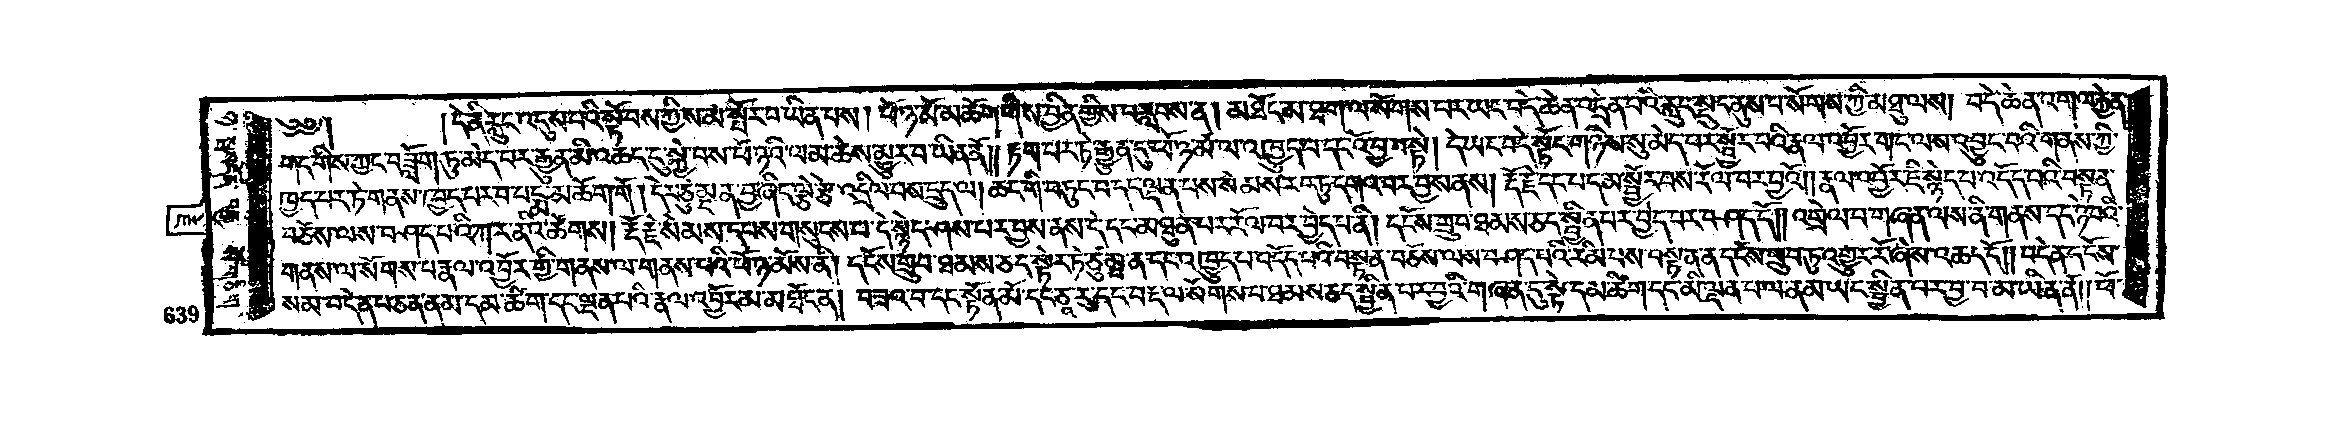༄༅། །དེ་ནི་རླུང་འདུས་པའི་སྟོབས་ཀྱིས་མེ་སྤོར་བ་ཡིན་པས། ཕོ་ཉ་མོ་མཆོག་གིས་བྱིན་གྱིས་བརླབས་ན། མཐོང་མ་ཐག་ལ་སོགས་པར་ཡང་བདེ་ཆེན་འདྲེན་པའི་རླུང་སྡུད་ནུས་པ་སོགས་ཀྱི་མཐུ་ལས། བདེ་ཆེན་འགལ་རྐྱེན་
གང་གིས་ཀྱང་བཟློག་ཏུ་མེད་པར་རྒྱུན་མི་འཆད་དུ་སྐྱེ་བས་ཕོ་ཉའི་ལམ་ཆེས་མྱུར་བ་ཡིན་ནོ། །རྟག་པར་ཏེ་རྒྱུན་དུ་ཕོ་ཉ་མོ་ལ་འཁྱུད་པ་དང་འོ་བྱ་བ་སྟེ། དེ་ཡང་བདེ་སྟོང་གཉིས་སུ་མེད་པར་སྦྱོར་བའི་རྣལ་འབྱོར་གང་ལས་འབྱུང་བའི་གནས་ཀྱི་
ཁྱད་པར་ཏེ་གནས་ཁྱད་པར་བ་པདམ་མཆོག་གོ །དེར་ཅུ་མྦན་བྱ་བྱ་ཞིང་ལྕེ་རྩེ་འདྲིལ་བས་དྲུད་ལ། ཆང་གི་བཏུང་བ་དང་ལྡན་པས་སེམས་རབ་ཏུ་དགའ་བར་བྱས་ནས། རྡོ་རྗེ་དང་པད་མ་སྦྱོར་བས་རོལ་བར་བྱའོ། །རྣལ་འབྱོར་ཇི་སྙེད་པ་འདོད་པའི་བསྟན་
བཅོས་ལས་བཤད་པའི་ཀ་ར་ནའི་ཚོགས། རྡོ་རྗེ་སེམས་དཔས་གསུངས་པ་དེ་སྙེད་ཤས་པར་བྱས་ནས་དེ་དང་མཐུན་པར་རོལ་བར་བྱེད་པ་ནི། དངོས་གྲུབ་ཐམས་ཅད་སྦྱིན་པར་བྱེད་པར་བཤད་དོ། །འགྲེལ་པ་གཞན་ལས་ནི་གནས་དང་ཉེ་བའི་
གནས་ལ་སོགས་པ་རྣལ་འབྱོར་གྱི་གནས་ལ་གནས་པའི་ཕོ་ཉ་མོས་ནི། དངོས་གྲུབ་ཐམས་ཅད་སྟེར་ཏེ་ཙུམྦ་ན་དང་འཁྱུད་པ་འདོད་པའི་བསྟན་བཅོས་ལས་བཤད་པའི་རིམ་པས་བསྟན་ན་དངོས་གྲུབ་ཏུ་འགྱུར་རོ་ཞེས་འཆད་དོ། །བདེན་དངོས་
སམ་བདེན་པ་ཅན་ནམ་དམ་ཚིག་དང་ལྡན་པའི་རྣལ་འབྱོར་མ་མཐོང་ན། བཟའ་བ་དང་སྟོན་མོ་དང་ཅཱ་རུ་དང་བརྡ་ལ་སོགས་པ་ཐམས་ཅད་སྦྱིན་པར་བྱའི་གཞན་དུ་སྟེ་དམ་ཚིག་དང་མི་ལྡན་པ་ལ་ནམ་ཡང་སྦྱིན་པར་བྱ་བ་མ་ཡིན་ནོ། །ཕོ་